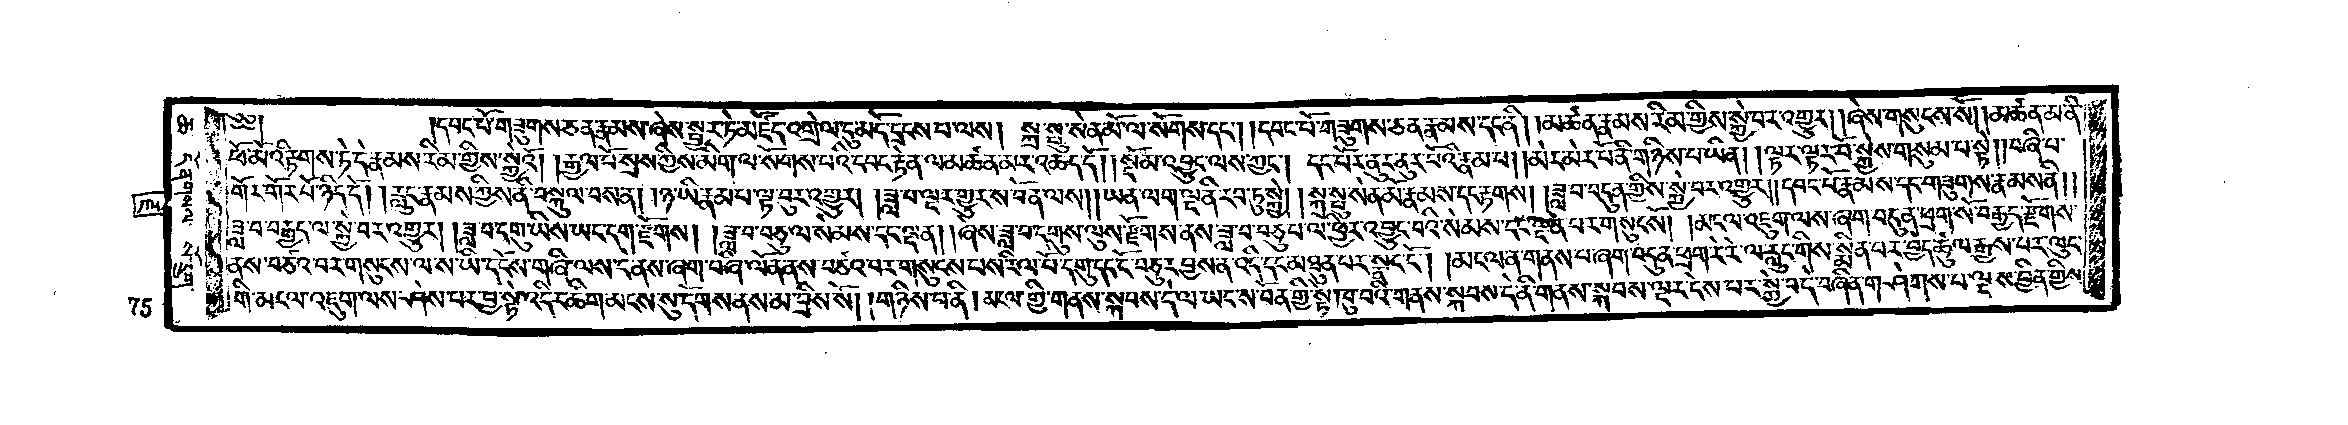༄༅། །དབང་པོ་གཟུགས་ཅན་རྣམས་ཞེས་སྦྱར་ཏེ་མཛོད་འགྲེལ་དུ་མདོ་དྲངས་པ་ལས། སྐྲ་སྤུ་སེན་མོ་ལ་སོགས་དང་། །དབང་པོ་གཟུགས་ཅན་རྣམས་དང་ནི། །མཚན་རྣམས་རིམ་གྱིས་སྐྱེ་བར་འགྱུར། །ཞེས་གསུངས་སོ། །མཚན་མ་ནི་
ཕོ་མོའི་རྟགས་ཏེ་དེ་རྣམས་རིམ་གྱིས་སྐྱེའོ། །རྒྱལ་པོ་སྲས་ཀྱིས་མིག་ལ་སོགས་པའི་དབང་རྟེན་ལ་མཚན་མར་འཆད་དོ། །སྡོམ་འབྱུང་ལས་ཀྱང་། དང་པོར་ནུར་ནུར་པོའི་རྣམ་པ། །མེར་མེར་པོ་ནི་གཉིས་པ་ཡིན། །ལྟར་ལྟར་པོ་སྐྱེས་གསུམ་པ་སྟེ། །བཞི་པ་
གོར་གོར་པོ་ཉིད་དོ། །རླུང་རྣམས་ཀྱིས་ནི་བསྐུལ་བས་ན། །ཉ་ཡི་རྣམ་པ་ལྟ་བུར་འགྱུར། །ཟླ་བ་ལྔར་གྱུར་ས་བོན་ལས། །ཡན་ལག་ལྔ་ནི་རབ་ཏུ་སྐྱེ། །སྐྲ་སྤུ་སེན་མོ་རྣམས་དང་རྟགས། །ཟླ་བ་བདུན་གྱིས་སྐྱེ་བར་འགྱུར། །དབང་པོ་རྣམས་དང་གཟུགས་རྣམས་ནི། །
ཟླ་བ་བརྒྱད་ལ་སྐྱེ་བར་འགྱུར། །ཟླ་བ་དགུ་ཡིས་ཡང་དག་རྫོགས། །ཟླ་བ་བཅུ་ལ་སེམས་དང་ལྡན། །ཞེས་ཟླ་བ་དགུས་ལུས་རྫོགས་ནས་ཟླ་བ་བཅུ་པ་ལ་ཕྱིར་འབྱུང་བའི་སེམས་དང་ལྡན་པར་གསུངས་སོ། །མངལ་འཇུག་ལས་ཞག་བདུན་ཕྲག་སོ་བརྒྱད་རྫོགས་
ནས་བཅའ་བར་གསུངས་ལ་ས་ཡི་དངོས་གཞི་ལས་དེ་ནས་ཞག་བཞི་ལོན་ནས་བཙའ་བར་གསུངས་པས་རིལ་པོ་དགུ་དང་ངོ་བཅུར་བྱས་ན་འདི་དང་མཐུན་པར་སྣང་ངོ། །མངལ་ན་གནས་པ་ཞག་བདུན་ཕྲག་རེ་རེ་ལ་རླུང་གིས་སྨིན་པར་བྱེད་ཚུལ་རྒྱས་པར་ལུང་
གི་མངལ་འཇུག་ལས་ཤེས་པར་བྱ་སྟེ་འདིར་ཚིག་མངས་སུ་དོགས་ནས་མ་བྲིས་སོ། །གཉིས་པ་ནི། མངལ་གྱི་གནས་སྐབས་དེ་ལ་ཡང་ས་བོན་གྱི་སྟེ་ཁུ་བའི་གནས་སྐབས་དེ་ནི་གནས་སྐབས་ལྔར་ངེས་པར་སྐྱེ་བ་དེ་བཞིན་གཤེགས་པ་ལྔས་བྱིན་གྱིས་